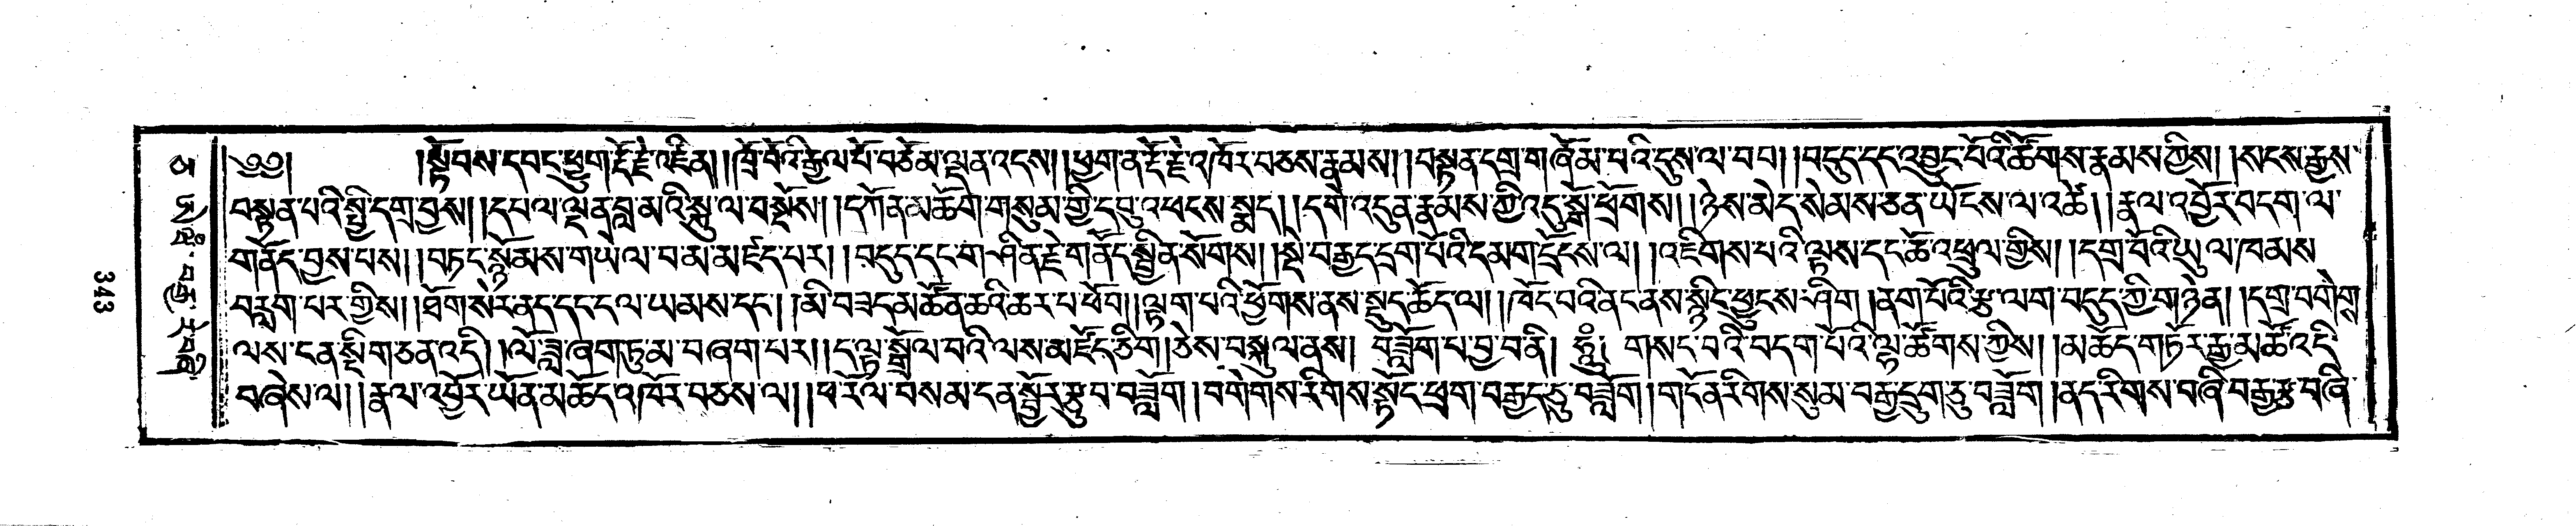༄༅། །སྟོབས་དབང་ཕྱུག་རྡོ་རྗེ་འཛིན། །ཁྲོ་བོའི་རྒྱལ་པོ་བཅོམ་ལྡན་འདས། །ཕྱག་ན་རྡོ་རྗེ་འཁོར་བཅས་རྣམས། །བསྟན་དགྲ་གཞོམ་པའི་དུས་ལ་བབ། །བདུད་དང་འབྱུང་པོའི་ཚོགས་རྣམས་ཀྱིས། །སངས་རྒྱས་
བསྟན་པའི་སྤྱི་དགྲ་བྱས། །དཔལ་ལྡན་བླ་མའི་སྐུ་ལ་བསྡོས། །དཀོན་མཆོག་གསུམ་གྱི་དབུ་འཕངས་སྨད། །དགེ་འདུན་རྣམས་ཀྱི་འདུ་སྒོ་ཕྲོགས། །ཉེས་མེད་སེམས་ཅན་ཡོངས་ལ་འཚེ། །རྣལ་འབྱོར་བདག་ལ་
གནོད་བྱས་པས། །བཏང་སྙོམས་གཡེལ་བ་མ་མཛད་པར། །བདུད་དང་གཤིན་རྗེ་གནོད་སྦྱིན་སོགས། །སྡེ་བརྒྱད་དྲག་པོའི་དམག་དྲོངས་ལ། །འཇིགས་པའི་ལྟས་དང་ཆོ་འཕྲུལ་གྱིས། །དགྲ་བོའི་ཡུལ་ཁམས་
བརླག་པར་གྱིས། །ཐོག་སེར་ནད་དང་དལ་ཡམས་དང་། །མི་བཟད་མཚོན་ཆའི་ཆར་པ་ཕོབ། །ལྟག་པའི་ཕྱོགས་ནས་སྡུད་ཆོད་ལ། །ཁོང་པའི་ནང་ནས་སྙིང་ཕྱུངས་ཤིག །ནག་པོའི་རྩ་ལག་བདུད་ཀྱི་གཉེན། །དགྲ་བགེགས་
ལས་ངན་སྡིག་ཅན་འདི། །ལོ་ཟླ་ཞག་ཏུ་མ་བཞག་པར། །ད་ལྟ་སྒྲོལ་བའི་ལས་མཛོད་ཅིག །ཅེས་བསྐུལ་ནས། བཟློག་པ་བྱ་བ་ནི། ཧཱུཾ། གསང་བའི་བདག་པོའི་ལྷ་ཚོགས་ཀྱིས། །མཆོད་གཏོར་རྒྱ་མཚོ་འདི་
བཞེས་ལ། །རྣལ་འབྱོར་ཡོན་མཆོད་འཁོར་བཅས་ལ། །ཕ་རོལ་བསམ་ངན་སྦྱོར་རྩུབ་བཟློག །བགེགས་རིགས་སྟོང་ཕྲག་བརྒྱད་ཅུ་བཟློག །གདོན་རིགས་སུམ་བརྒྱ་དྲུག་ཅུ་བཟློག །ནད་རིགས་བཞི་བརྒྱ་རྩ་བཞི་